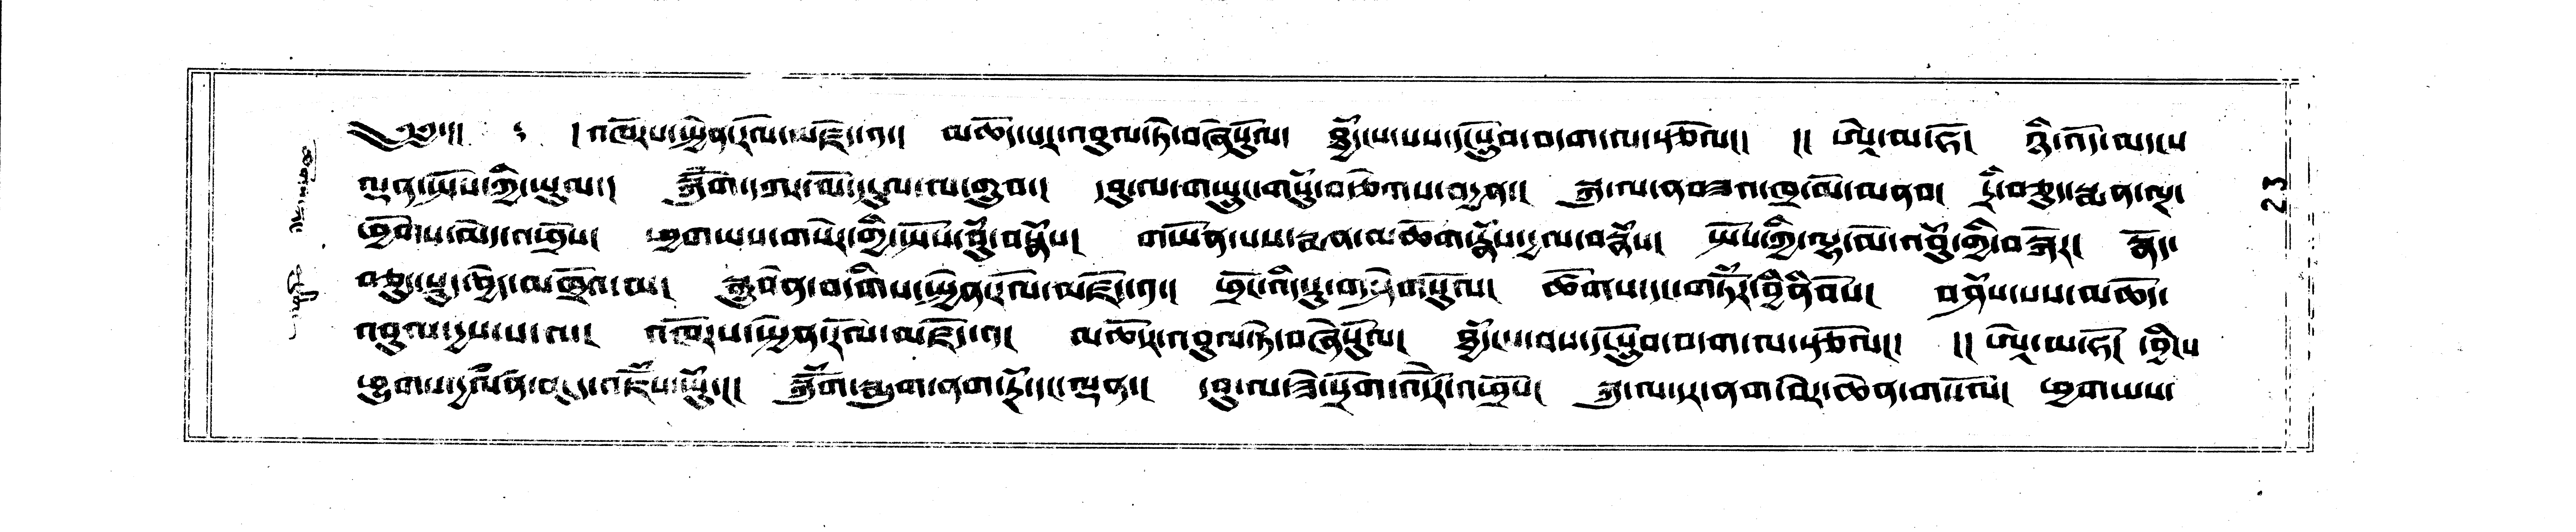འཁོར་བཅས་སྤྱན་འདྲེན་རོལ་མཛོད་ཅིག མཆོད་པར་འབུལ་ཏེ་བཞེས་སུ་གསོལ། ཐུགས་དམ་བསྐངས་པས་དངོས་གྲུབ་བདག་ལ་སྩོལ། །།ཨེ་མ་ཧོ། ཉི་འོད་མདངས་
ལྡན་སྤོས་ཀྱི་ཡུམ། སྐུ་མདོག་དཀར་མོ་དངུལ་ལ་གྲུབ། དབུ་ལ་གཡུང་དྲུང་གསུམ་བརྩེགས་བརྒྱན། སྐུ་ལ་ན་བཟའ་ཁྲ་མོ་མནབ། དྲི་བཅུད་སྨན་ལྔ་
ཕྱོགས་མེད་འཕྲོས། ཕྱག་གཡས་གསེར་གྱི་སྤོས་བུམ་བསྣམས། གཡོན་པས་སྨན་མཆོད་རྣམ་རྒྱལ་བསྣམས། སྤོས་ཀྱི་ལྷ་མོ་འབུམ་གྱི་བསྐོར། སྣོད་
བཅུད་སྡུད་བྱེད་མཁའ་འགྲོ་མ། སྒྲུབ་ཆེན་བདག་གིས་སྤྱན་འདྲེན་རོལ་མཛོད་ཅིག ཕོ་བྲང་འདི་རུ་གཤེགས་སུ་གསོལ། ཚོགས་དང་གཏོར་མ་བྱིན་གྱིས་རློབས། བཤམས་པས་མཆོད་
འབུལ་རྒྱས་པ་ལ། འཁོར་བཅས་སྤྱན་འདྲེན་རོལ་མཛོད་ཅིག མཆོད་པར་འབུལ་ཏེ་བཞེས་སུ་གསོལ། ཐུགས་དམ་བསྐངས་བས་དངོས་གྲུབ་བདག་ལ་སྩོལ། །།།ཨེ་མ་ཧོ། དབྱིངས་
ཕྱུག་རྒྱལ་མཚན་བདུད་འཇོམས་ཡུམ། སྐུ་མདོག་སྨུག་ནག་རྔམ་དང་ལྡན། དབུ་ལ་ཟེ་པྲོག་འོད་ཟེར་འཕྲོས། སྐུ་ལ་དར་ནག་བེར་ཆེན་གསོལ། ཕྱག་གཡས་